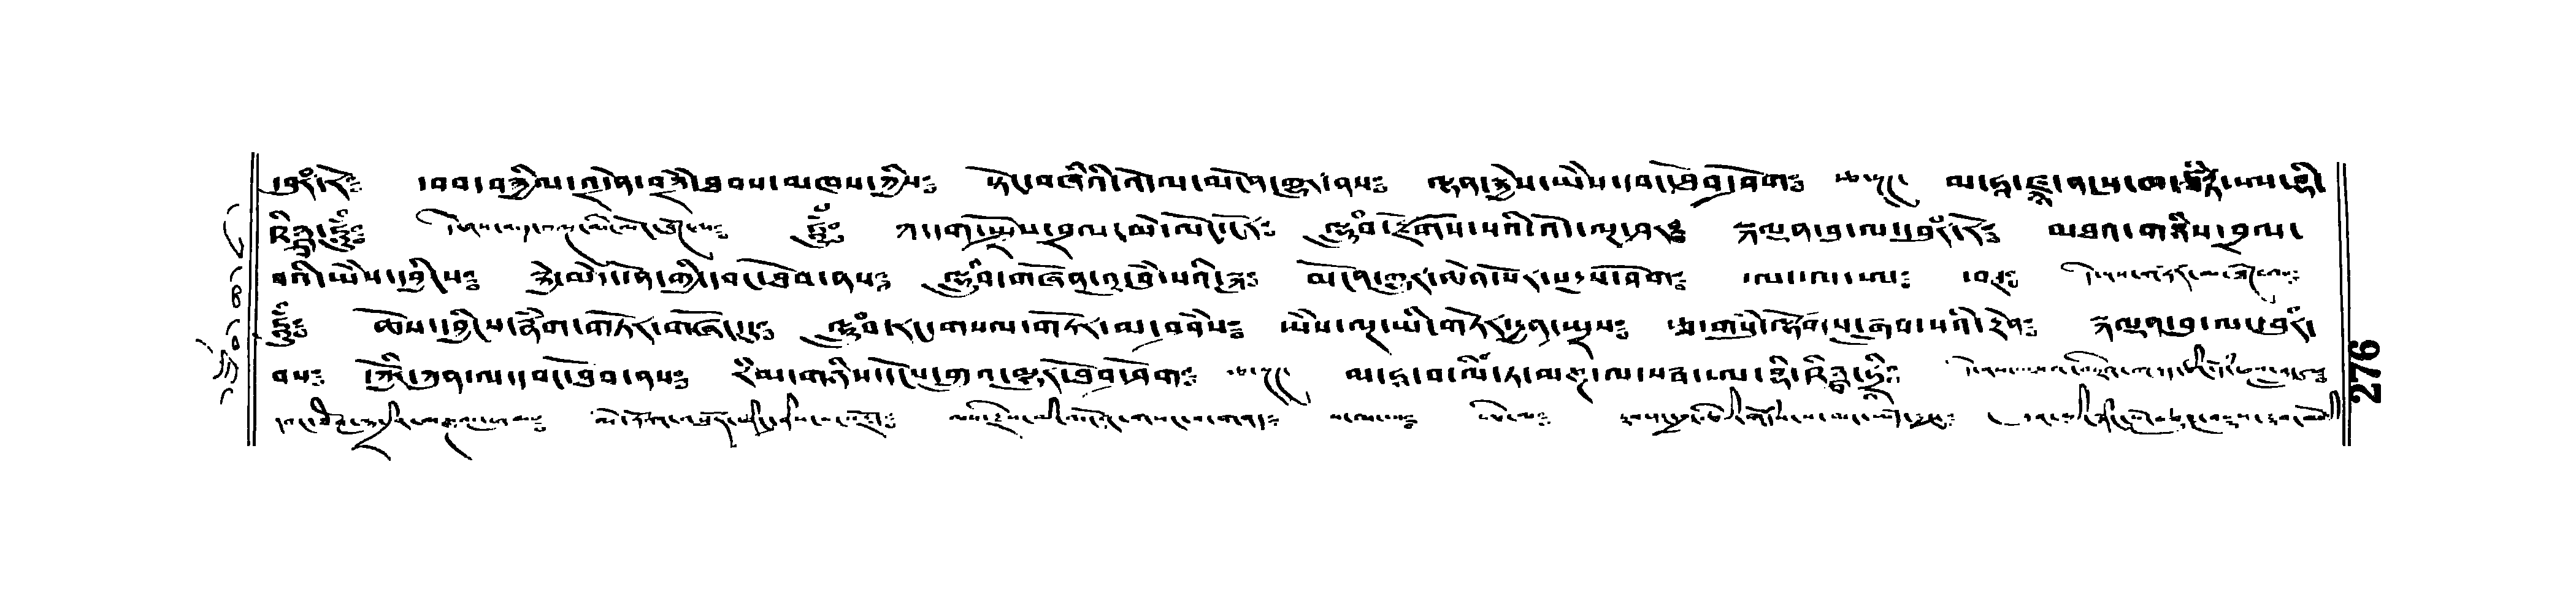དབང་བསྐུར་རོ༔ དབབ་བསྐྱིལ་འདྲེན་བཀྲམ་ཐབས་མཁས་ཀྱིས༔ སྟོང་བཞིའི་འོད་གསལ་མངོན་གྱུར་ནས༔ ལྷན་སྐྱེས་ཡེ་ཤེས་དབང་ཐོབ་ཤོག༔ རྩ་སྔགས༔ མ་ཧཱ་ཛྙཱ་ན་སུ་ཁ་ཙིཏྟ་ཨ་བྷི་
རིཉྩ་ཧཱུྃ༔ དེ་ནས་མདངས་ལྔ་མེ་ལོང་ཐོགས་ལ༔ ཧཱུྃ༔ ཀ་དག་སྤྲོས་བྲལ་མེ་ལོང་ངོར༔ ལྷུན་གྲུབ་རྫོགས་པའི་འོད་ལྔ་ཤར༔ སྐལ་ལྡན་བུ་ལ་དབང་བསྐུར་རོ༔ མཐའ་གཉིས་བྲལ་
བའི་ཡེ་ཤེས་དབྱིངས༔ སྐྱེ་མེད་དོན་གྱི་དབང་ཐོབ་ནས༔ ལྷུན་གྲུབ་གཞོན་ནུ་བུམ་པའི་སྐུཿ མངོན་གྱུར་ཆེན་པོར་སངས་རྒྱས་ཤོག༔ ཨ་ཨ་ཨཱཿ ཕཊ༔ དེ་ནས་གཏོར་མ་ཐོགས་ལ༔ 
ཧཱུྃཿ ཆོས་དབྱིངས་རྣམ་དག་གཏོར་གཞོང་དུ༔ ལྷུན་གྲུབ་རང་གསལ་གཏོར་མ་བཤམས༔ ཡེ་ཤེས་ལྔ་ཡི་གཏོར་རྒྱན་སྤྲས༔ རྩ་གསུམ་ལྷ་ཚོགས་སྒྲུབ་པའི་རྟེན༔ སྐལ་ལྡན་བུ་ལ་དབང་བསྐུར་
བས༔ དཀྱིལ་འཁོར་ཀུན་ལ་དབང་ཐོབ་ནས༔ རིམ་གཉིས་དངོས་གྲུབ་མྱུར་ཐོབ་ཤོག༔ རྩ་སྔགས༔ མ་ཧཱ་བ་ལིཾ་ཏ་མཎྜ་ལ་སརྦ་ཨ་བྷི་རིཉྩ་ཧྲཱིཿ དེ་ནས་མཐའ་རྟེན་གཏད་ཅིང་དམ་ཁས་བླངས༔ 
དབང་ཐོག་སྐུ་དྲིན་མཎྜལ་ཕུལ༔ མེ་ཏོག་འཐོར་ཞིང་ཤིས་པ་བརྗོད༔ ལས་རྗེས་མི་མངོན་གསང་བ་གནད༔ ས་མ་ཡ༔ ཨེ་མ༔ ཟབ་དང་རྒྱ་ཆེའི་གདམས་པ་མང་ཡོད་ཀྱང༔ཀུན་གྱི་སྙིང་པོ་བཅུད་བསྡུས་ཟབ་མོའི་